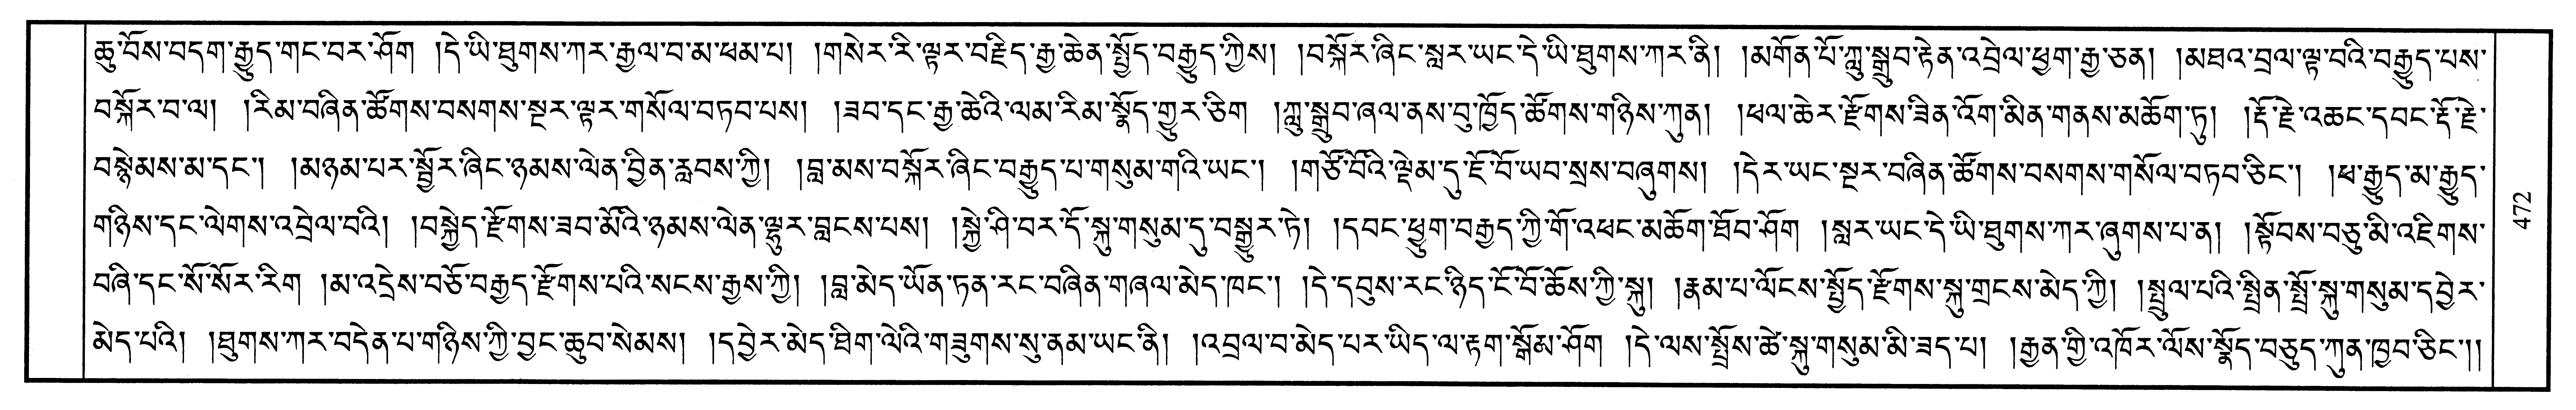ཆུ་བོས་བདག་རྒྱུད་གང་བར་ཤོག །དེ་ཡི་ཐུགས་ཀར་རྒྱལ་བ་མ་ཕམ་པ། །གསེར་རི་ལྟར་བརྗིད་རྒྱ་ཆེན་སྤྱོད་བརྒྱུད་ཀྱིས། །བསྐོར་ཞིང་སླར་ཡང་དེ་ཡི་ཐུགས་ཀར་ནི། །མགོན་པོ་ཀླུ་སྒྲུབ་རྟེན་འབྲེལ་ཕྱག་རྒྱ་ཅན། །མཐའ་བྲལ་ལྟ་བའི་བརྒྱུད་པས་
བསྐོར་བ་ལ། །རིམ་བཞིན་ཚོགས་བསགས་སྔར་ལྟར་གསོལ་བཏབ་པས། །ཟབ་དང་རྒྱ་ཆེའི་ལམ་རིམ་སྣོད་གྱུར་ཅིག །ཀླུ་སྒྲུབ་ཞལ་ནས་བུ་ཁྱོད་ཚོགས་གཉིས་ཀུན། །ཕལ་ཆེར་རྫོགས་ཟིན་འོག་མིན་གནས་མཆོག་ཏུ། །རྡོ་རྗེ་འཆང་དབང་རྡོ་རྗེ་
བསྙེམས་མ་དང་། །མཉམ་པར་སྦྱོར་ཞིང་ཉམས་ལེན་བྱིན་རླབས་ཀྱི། །བླ་མས་བསྐོར་ཞིང་བརྒྱུད་པ་གསུམ་གའི་ཡང་། །གཙོ་བོའི་ལྡེམ་དུ་ཇོ་བོ་ཡབ་སྲས་བཞུགས། །དེར་ཡང་སྔར་བཞིན་ཚོགས་བསགས་གསོལ་བཏབ་ཅིང་། །ཕ་རྒྱུད་མ་རྒྱུད་
གཉིས་དང་ལེགས་འབྲེལ་བའི། །བསྐྱེད་རྫོགས་ཟབ་མོའི་ཉམས་ལེན་ལྷུར་བླངས་པས། །སྐྱེ་ཤི་བར་དོ་སྐུ་གསུམ་དུ་བསྒྱུར་ཏེ། །དབང་ཕྱུག་བརྒྱད་ཀྱི་གོ་འཕང་མཆོག་ཐོབ་ཤོག །སླར་ཡང་དེ་ཡི་ཐུགས་ཀར་ཞུགས་པ་ན། །སྟོབས་བཅུ་མི་འཇིགས་
བཞི་དང་སོ་སོར་རིག །མ་འདྲེས་བཅོ་བརྒྱད་རྫོགས་པའི་སངས་རྒྱས་ཀྱི། །བླ་མེད་ཡོན་ཏན་རང་བཞིན་གཞལ་མེད་ཁང་། །དེ་དབུས་རང་ཉིད་ངོ་བོ་ཆོས་ཀྱི་སྐུ། །རྣམ་པ་ལོངས་སྤྱོད་རྫོགས་སྐུ་གྲངས་མེད་ཀྱི། །སྤྲུལ་པའི་སྤྲིན་སྤྲོ་སྐུ་གསུམ་དབྱེར་
མེད་པའི། །ཐུགས་ཀར་བདེན་པ་གཉིས་ཀྱི་བྱང་ཆུབ་སེམས། །དབྱེར་མེད་ཐིག་ལེའི་གཟུགས་སུ་ནམ་ཡང་ནི། །འབྲལ་བ་མེད་པར་ཡིད་ལ་རྟག་སྒོམ་ཤོག །དེ་ལས་སྤྲོས་ཚེ་སྐུ་གསུམ་མི་ཟད་པ། །རྒྱན་གྱི་འཁོར་ལོས་སྣོད་བཅུད་ཀུན་ཁྱབ་ཅིང།།